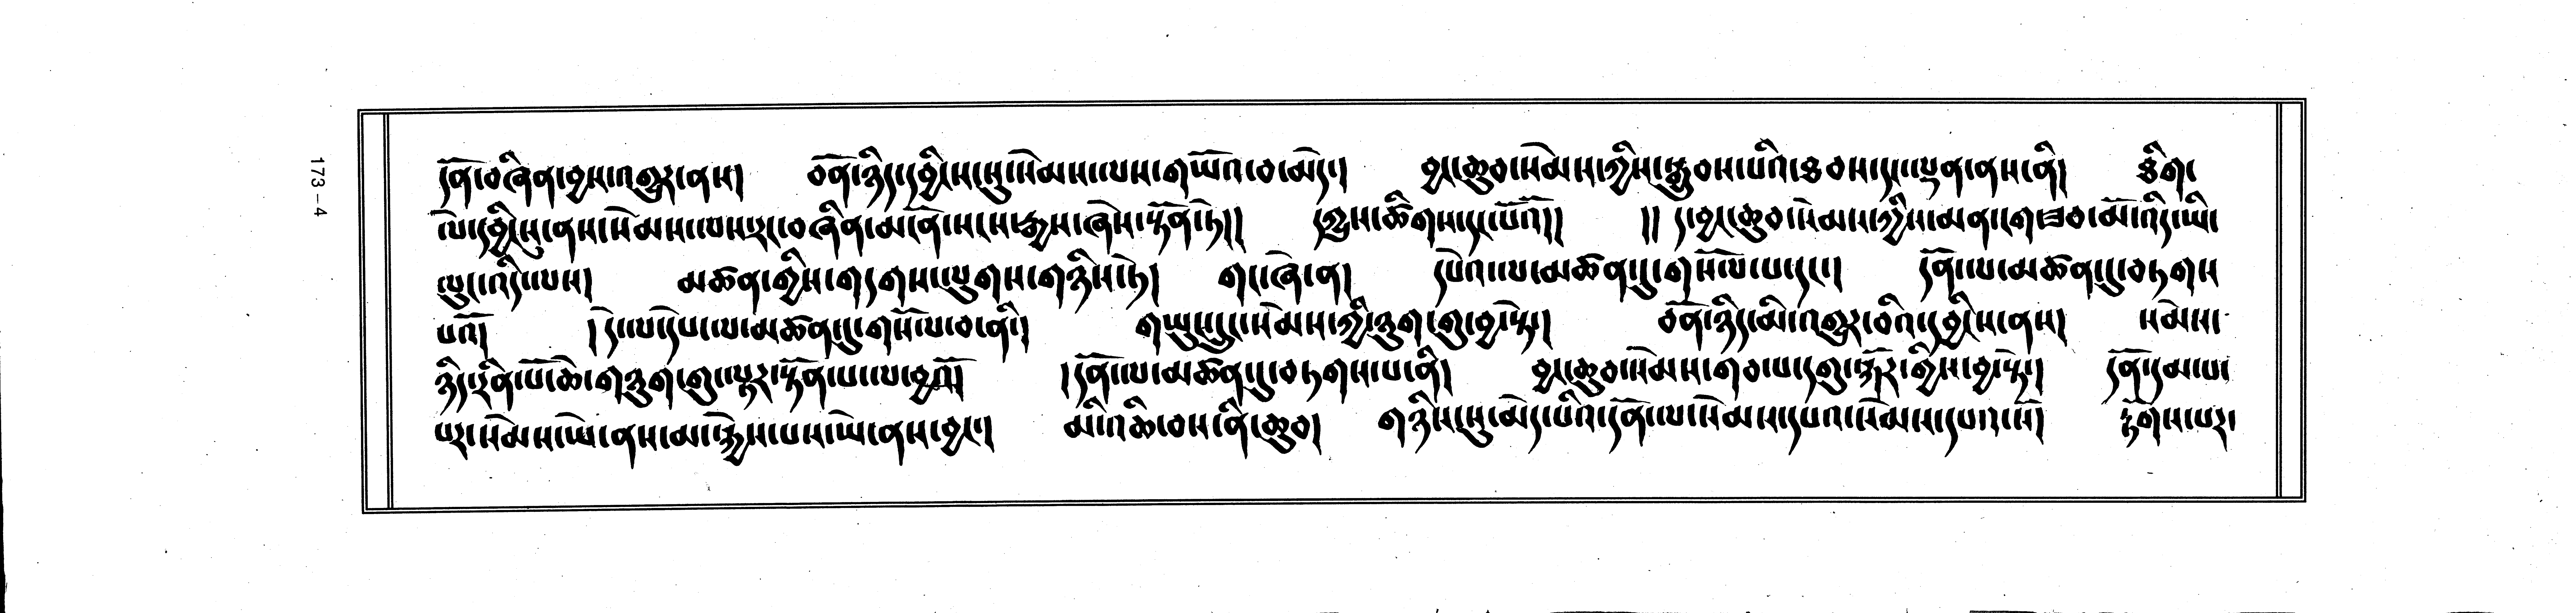དོན་བཞིན་བྱས་གྱུར་ནས། བོན་ཉིད་དབྱིངས་སུ་སེམས་ལས་གཡོ་བ་མེད། བྱང་ཆུབ་སེམས་ཀྱིས་བསྒྲུབ་པའི་ཐབས་དང་ལྡན་ནས་ནི། ཐིག་
ལེ་དབྱིངས་ནས་སེམས་ལས་རང་བཞིན་མངོན་སངས་རྒྱས་ཞེས་སྟོན་ཏེ། དཀྱུས་ཚིག་དང་པོའོ། །ད་བྱང་ཆུབ་སེམས་ཀྱི་མན་ངག་ཟབ་མོ་འདི་ཡི་
ལུང་འདི་ལས། མཚན་གྱིས་གདགས་ལུགས་གཉིས་ཏེ། གང་ཞེ་ན་དཔེ་ལ་མཚན་དུ་གསོལ་བ་དང་། དོན་ལ་མཚན་དུ་བཏགས་
པའོ། །དེ་ལ་དཔེ་ལ་མཚན་དུ་གསོལ་བ་ནི། གཡུང་དྲུང་སེམས་ཀྱི་ཉུ་གུ་བྱ་སྟེ། བོན་ཉིད་མི་འགྱུར་བའི་དབྱིངས་ནས། སེམས་
ཉིད་རིན་པོ་ཆེ་ཉུ་གུ་ལྟར་སྟོན་པ་ལ་བྱའོ། དོན་ལ་མཚན་དུ་བཏགས་པ་ནི། བྱང་ཆུབ་སེམས་གབ་པ་དགུ་སྐོར་ཞེས་བྱ་སྟེ། དོན་དམ་
པར་སེམས་ཡེ་ནས་མ་སྐྱེས་པས་ཡེ་ནས་བྱང་། མི་འཆི་བས་ནི་ཆུབ། གཉིས་སུ་མེད་པའི་དོན་ལ་སེམས་དཔའ་སེམས་དཔའ་སོ། རྟོགས་པར་